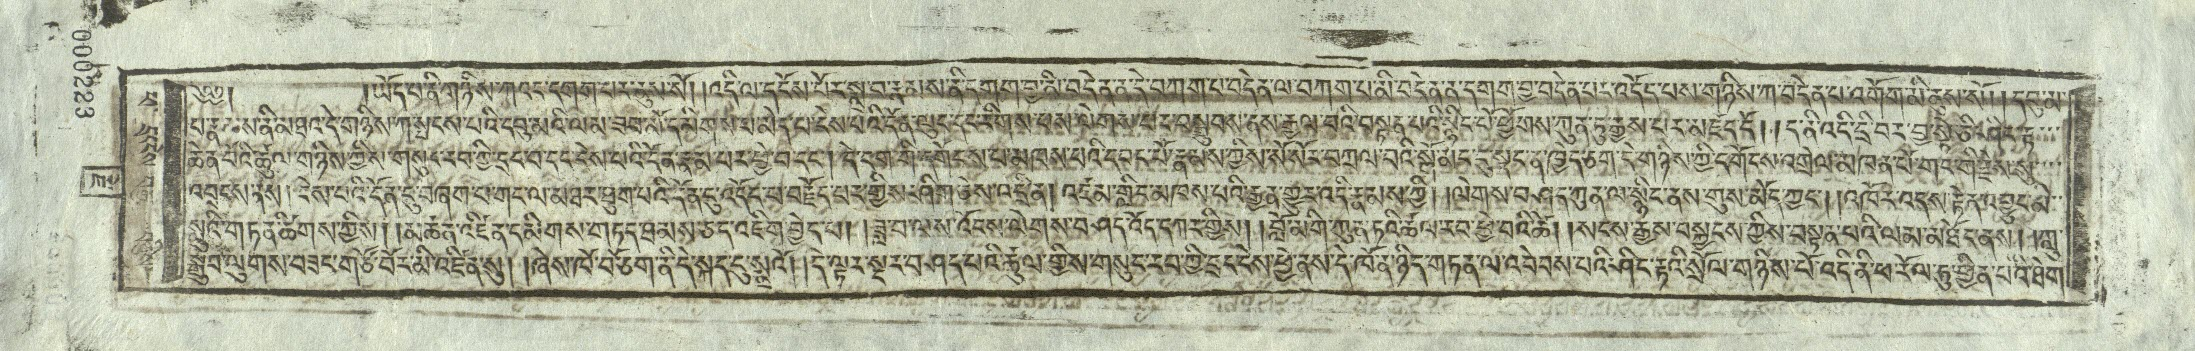༄༅། །ཡོད་པ་ནི་གཉིས་ཀའང་དགག་པར་ནུས་སོ། །འདི་ལ་དངོས་པོར་སྨྲ་བ་རྣམས་ནི་དགག་བྱ་མི་བདེན་ན་དེ་བཀག་པ་བདེན་ལ་བཀག་པ་མི་བདེན་ན་དགག་བྱ་བདེན་པར་འདོད་པས་གཉིས་ཀ་བདེན་པ་འགོག་མི་ནུས་སོ། །དབུ་མ་
པ་རྣམས་ནི་མཐའ་དེ་གཉིས་ཀ་སྤངས་པའི་དབུ་མའི་ལམ་ཟབ་མོ་དམིགས་པ་མེད་པ་ངེས་པའི་དོན་ལུང་དང་རིགས་པས་ལེགས་པར་བསྒྲུབས་ནས་རྒྱལ་བའི་བསྟན་པའི་སྙིང་པོ་ཕྱོགས་ཀུན་ཏུ་རྒྱས་པར་མཛད་དོ། །ད་ནི་འདི་དྲི་བར་བྱ་སྟེ་ཅི་ཤིང་རྟ་
ཆེན་པོའི་ཆུལ་གཉིས་ཀྱིས་གསུང་རབ་ཀྱི་དྲང་བ་དང་ངེས་པའི་དོན་རྣམ་པར་ཕྱེ་བ་དང་། དེ་དག་གི་དགོངས་པ་མཁས་པའི་དབང་པོ་རྣམས་ཀྱིས་སོ་སོར་བཀྲལ་བའི་སྒོ་མང་དུ་སྣང་ན་ཁྱོད་ཅག་དེ་གཉིས་ཀྱི་དགོངས་འགྲེལ་མཁན་པོ་གང་གི་རྗེས་སུ་
འབྲངས་ནས། ངེས་པའི་དོན་དུ་བཞག་པ་གང་ལ་མཐར་ཐུག་པའི་དོན་དུ་འདོད་པ་བརྗོད་པར་གྱིས་ཤིག་ཅེས་འདྲི་ན། འཛམ་གླིང་མཁས་པའི་རྒྱན་གྱུར་འདི་རྣམས་ཀྱི། །ལེགས་བཤད་ཀུན་ལ་སྙིང་ནས་གུས་མོད་ཀྱང་། །འཁོར་འདས་རྟེན་འབྱུང་མི་
སླུའི་གཏན་ཚིགས་ཀྱིས། །མཚན་འཛིན་དམིགས་གཏད་ཐམས་ཅད་འཇིག་བྱེད་པ། །ཟླ་བ་ལས་འོངས་ལེགས་བཤད་འོད་དཀར་གྱིས། །བློ་མིག་ཀུན་ཏའི་ཚལ་རབ་ཕྱེ་བའི་ཆེ། །སངས་རྒྱས་བསྐྱངས་ཀྱིས་བསྟན་པའི་ལམ་མཐོང་ནས། །ཀླུ་
སྒྲུབ་ལུགས་བཟང་གཙོ་བོར་མི་འཛིན་སུ། །ཞེས་ཁོ་བོ་ཅག་ནི་དེ་སྐད་དུ་སྨྲའོ། །དེ་ལྟར་སྔར་བཤད་པའི་ཚུལ་གྱིས་གསུང་རབ་ཀྱི་དྲང་ངེས་ཕྱེ་ནས་དེ་ཁོ་ན་ཉིད་གཏན་ལ་འབེབས་པའི་ཤིང་རྟའི་སྲོལ་གཉིས་པོ་འདི་ནི་ཕ་རོལ་ཏུ་ཕྱིན་པའི་ཐེག་